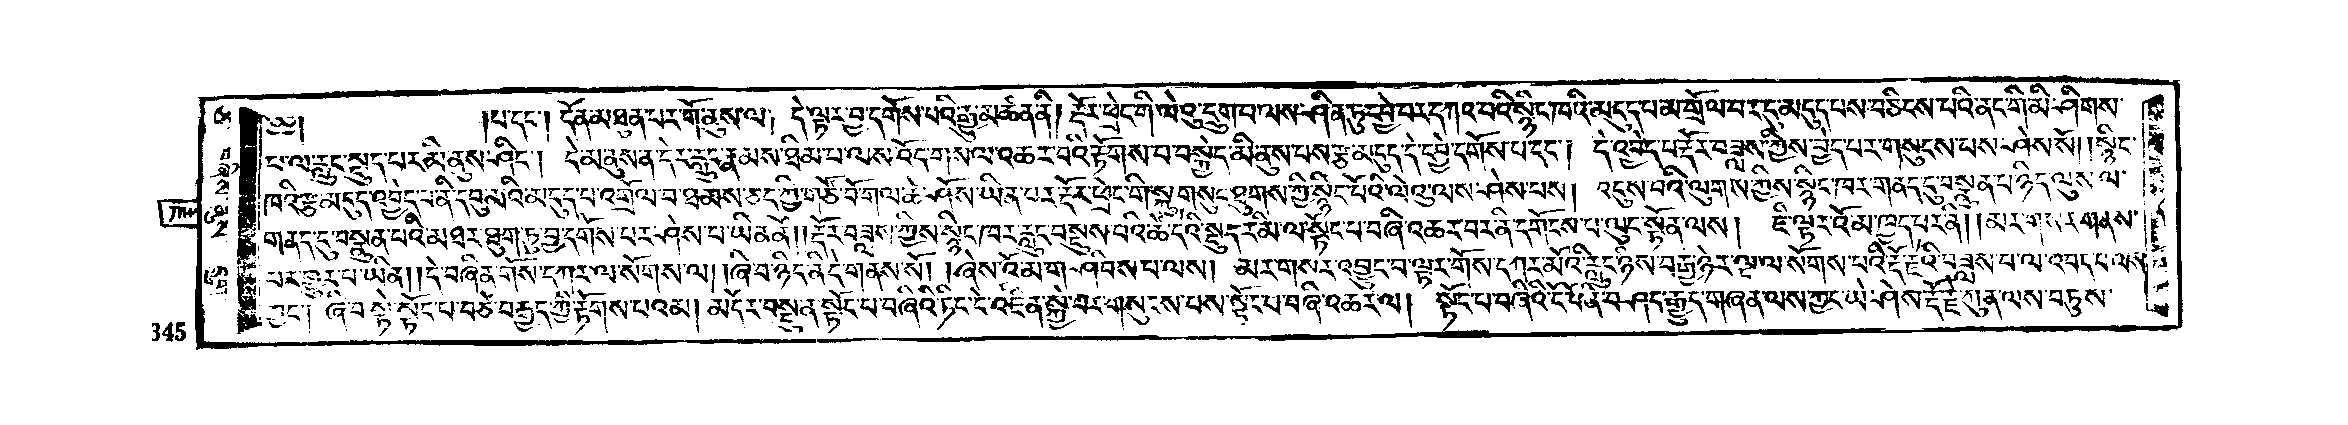༄༅། །པ་དང་། དོན་མཐུན་པར་གོ་ནུས་ལ། དེ་ལྟར་བྱ་དགོས་པའི་རྒྱུ་མཚན་ནི། རྡོར་ཕྲེང་གི་ལེའུ་དྲུག་པ་ལས་ཤིན་ཏུ་དབྱེ་བར་དཀའ་བའི་སྙིང་ཁའི་མདུད་པ་མ་གྲོལ་བར་དུ་མདུད་པས་བཅིངས་པའི་ནང་གི་མི་ཤིགས་
པ་ལ་རླུང་སྡུད་པར་མི་ནུས་ཤིང་། དེ་མ་ནུས་ན་དེར་རླུང་རྣམས་ཐིམ་པ་ལས་འོད་གསལ་འཆར་བའི་རྟོགས་པ་བསྐྱེད་མི་ནུས་པས་རྩ་མདུད་དེ་དབྱེ་དགོས་པ་དང་། དེ་འབྱེད་པ་རྡོར་བཟླས་ཀྱིས་བྱེད་པར་གསུངས་པས་ཤེས་སོ། །སྙིང་
ཁའི་རྩ་མདུད་འབྱེད་པ་ནི་དབུ་མའི་མདུད་པ་འགྲོལ་བ་ཐམས་ཅད་ཀྱི་གཙོ་བོ་གལ་ཆེ་ཤོས་ཡིན་པར་རྡོར་ཕྲེང་གི་སྐུ་གསུང་ཐུགས་ཀྱི་སྙིང་པོའི་ལེའུ་ལས་ཤེས་པས། འདུས་པའི་ལུགས་ཀྱིས་སྙིང་ཁར་གནད་དུ་བསྣུན་པ་ཉིད་ལུས་ལ་
གནད་དུ་བསྣུན་པའི་མཐར་ཐུག་ཏུ་བྱ་དགོས་པར་ཤེས་པ་ཡིན་ནོ། །རྡོར་བཟླས་ཀྱིས་སྙིང་ཁར་རླུང་བསྡུས་པའི་ཚེ་དེའི་སྡུད་རིམ་ལ་སྟོང་པ་བཞི་འཆར་བར་ནི་དགོངས་པ་ལུང་སྟོན་ལས། ཇི་ལྟར་འོ་མ་ཁྱད་པར་ནི། །མར་གསར་གནས་
པར་གྱུར་པ་ཡིན། །དེ་བཞིན་གོས་དཀར་ལ་སོགས་ལ། །ཞི་བ་ཉིད་ནི་དེ་གནས་སོ། །ཞེས་འོ་མ་གཤིབས་པ་ལས། མར་གསར་འབྱུང་བ་ལྟར་གོས་དཀར་མོའི་རླུང་ཉིས་བརྒྱ་ཉེར་ལྔ་ལ་སོགས་པའི་རྡོ་རྗེའི་བཟླས་པ་ལ་འབད་པ་ལས་
ཀྱང་། ཞི་བ་སྟེ་སྟོང་པ་བཅོ་བརྒྱད་ཀྱི་རྟོགས་པའམ། མདོར་བསྡུ་ན་སྟོང་པ་བཞིའི་ཏིང་ངེ་འཛིན་སྐྱེ་བར་གསུངས་པས་སྟོང་པ་བཞི་འཆར་ལ། སྟོང་པ་བཞིའི་ངོ་བོ་ནི་བཤད་རྒྱུད་གཞན་ལས་ཀྱང་ཡེ་ཤེས་རྡོ་རྗེ་ཀུན་ལས་བཏུས་